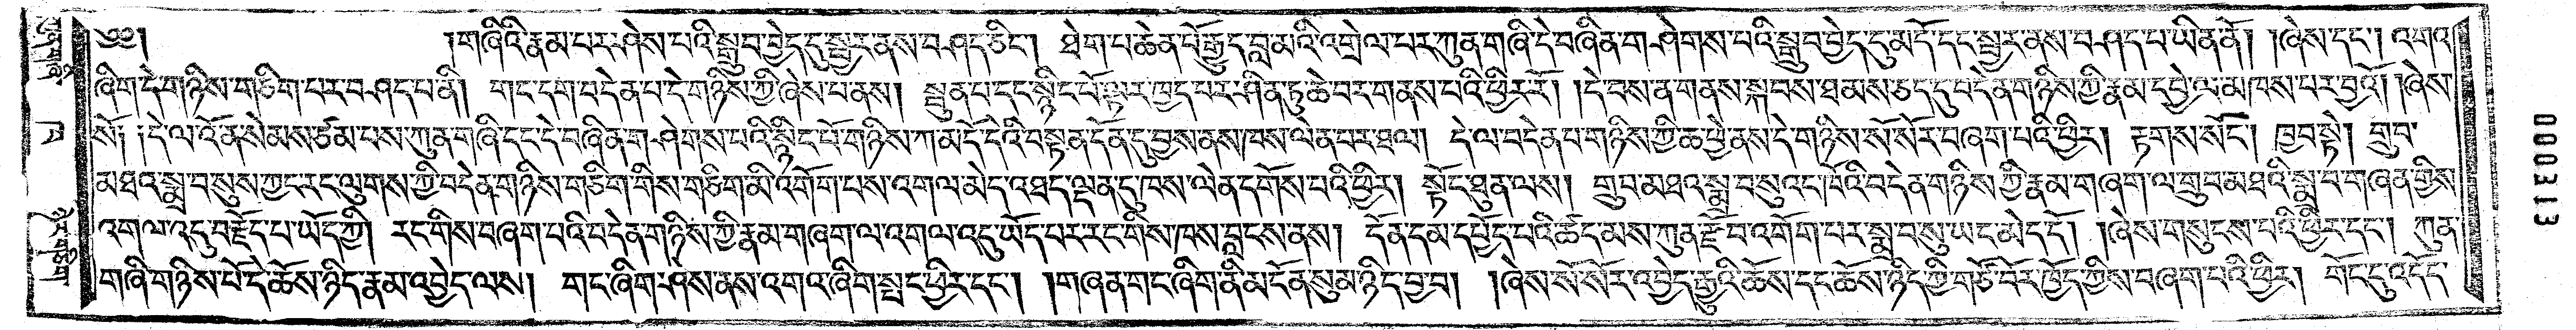༄༅། །གཞིའི་རྣམ་པར་ཤེས་པའི་སྒྲུབ་བྱེད་དུ་སྦྱར་ནས་བཤད་ཅིང་། ཐེག་པ་ཆེན་པོ་རྒྱུད་བླ་མའི་འགྲེལ་པར་ཀུན་གཞི་དེ་བཞིན་གཤེགས་པའི་སྒྲུབ་བྱེད་དུ་མདོ་དང་སྦྱར་ནས་བཤད་པ་ཡིན་ནོ། །ཞེས་དང་། འགའ་
ཞིག་དེ་གཉིས་གཅིག་པར་བཤད་པ་ནི། གང་དག་བདེན་པ་དེ་གཉིས་ཀྱི་ཞེས་པ་ནས། སླུན་པ་དང་སྙིང་པོ་ལྟར་ཁྱད་པར་ཤིན་ཏུ་ཆེ་བར་གནས་པའི་ཕྱིར་རོ། །དེ་བས་ན་གནས་སྐབས་ཐམས་ཅད་དུ་བདེན་གཉིས་ཀྱི་རྣམ་དབྱེ་ལ་མཁས་པར་བྱའོ། །ཞེས་
སོ༑ ༑དེ་ལ་འོ་ན་སེམས་ཙམ་བས་ཀུན་གཞི་དང་དེ་བཞིན་གཤེགས་པའི་སྙིང་པོ་གཉིས་ཀ་མདོ་དེའི་བསྟན་དོན་དུ་བྱས་ནས་ཁས་ལེན་པར་ཐལ། དེ་ལ་བདེན་པ་གཉིས་ཀྱི་ཆ་ཕྱེ་ནས་དེ་གཉིས་སོ་སོར་བཞག་པའི་ཕྱིར། རྟགས་སོང་། ཁྱབ་སྟེ། གྲུབ་
མཐའ་སྨྲ་བ་སུས་ཀྱང་རང་ལུགས་ཀྱི་བདེན་གཉིས་གཅིག་གིས་གཅིག་མི་འགོག་པས་འགལ་མེད་འཐད་ལྡན་དུ་ཁས་ལེན་དགོས་པའི་ཕྱིར། སྟོང་ཐུན་ལས། གྲུབ་མཐའ་སྨྲ་བ་སུའང་ཁོའི་བདེན་གཉིས་ཀྱི་རྣམ་གཞག་ལ་གྲུབ་མཐའི་སྨྲ་བ་གཞན་གྱིས་
འགལ་འདུ་བརྗོད་པ་ཡོད་ཀྱི། རང་གིས་བཞག་པའི་བདེན་གཉིས་ཀྱི་རྣམ་གཞག་ལ་འགལ་འདུ་ཡོད་པར་རང་གིས་ཁས་བླངས་ནས། དོན་དམ་དཔྱོད་པའི་ཚད་མས་ཀུན་རྫོབ་འགོག་པར་སྨྲ་བ་སུ་ཡང་མེད་དོ། །ཞེས་གསུངས་པའི་ཕྱིར་དང་། ཀུན་
གཞི་གཉིས་པོ་དེ་ཆོས་ཉིད་རྣམ་འབྱེད་ལས། གང་ཞིག་ཤེས་ནས་འགའ་ཞིག་སྤང་ཕྱིར་དང་། །གཞན་གང་ཞིག་ནི་མངོན་སུམ་ཉིད་བྱ་བ། །ཞེས་སོ་སོར་འབྱེད་རྒྱུའི་ཆོས་དང་ཆོས་ཉིད་ཀྱི་གཙོ་བོར་ཁྱོད་ཀྱིས་བཞག་པའི་ཕྱིར། གོང་དུ་འདོད་